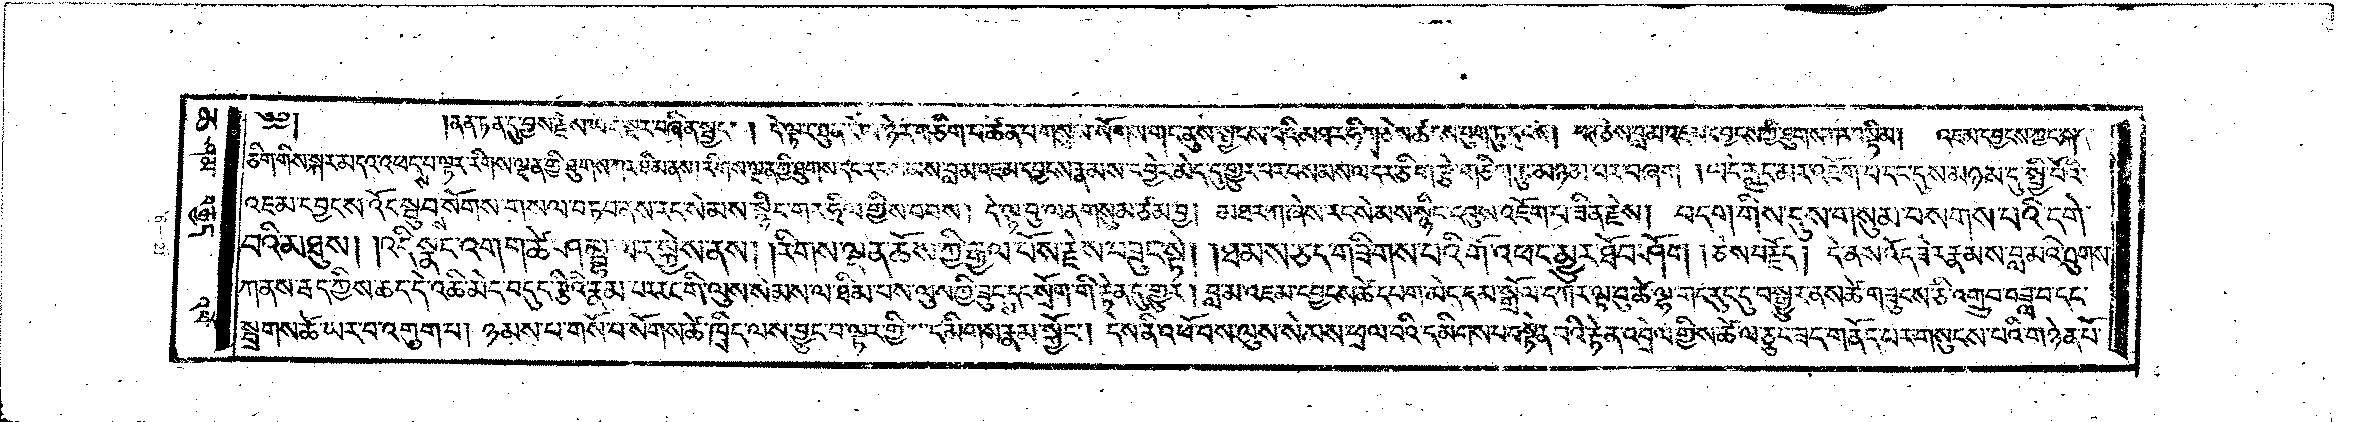༄༅། །ནན་ཏན་དུ་བྱས་ཤེས་ཡང་སྔར་བཞིན་སྦྱར། །དེ་ལྟར་ཐུན་རེ་ལ་ཉེར་གཅིག་བ་ཚན་པ་གསུམ་སོགས་གང་ནུས་སྦྱངས་པའི་མཐར་ཧ་ཀྲ་ཅེས་ཚངས་བུག་ཏུ་དྲངས། པཊ་ཅེས་བླ་མ་འཇམ་དབྱངས་ཀྱི་ཐུགས་ཀར་བསྟིམ། འཇམ་དབྱངས་ཀྱང་སྐད་
ཅིག་གིས་སྐར་མདའ་འཕངས་པ་ལྟར་རིགས་ལྡན་གྱི་ཐུགས་ཀར་ཐིམ་ནས་རིགས་ལྡན་གྱི་ཐུགས་དང་རང་སེམས་བླ་མ་འཇམ་དབྱངས་རྣམས་དབྱེར་མེད་དུ་གྱུར་པར་བསམས་ལ་དར་ཅིག་རྩེ་གཅིག་ཏུ་མཉམ་པར་བཞག །ཡང་རླུང་མར་འཇོག་པ་དང་དུས་མཉམ་དུ་སྤྱི་བོའི་
འཇམ་དབྱངས་འོད་སྦུབས་སོགས་གསལ་བཏབ་ནས་རང་སེམས་སྙིང་གར་ཧྲིལ་གྱིས་བབས། དེ་ལྟ་བུ་ལན་གསུམ་ཙམ་བྱ། མཐར་ཀ་ཞེས་རང་སེམས་སྙིང་དབུས་འཇོག་པ་ཟིན་རྗེས། བདག་གིས་དུས་གསུམ་བསགས་པའི་དགེ་
བའི་མཐུས། །འདི་སྣང་འགག་ཆེ་ཤམྦྷ་ལར་སྐྱེས་ནས། །རིགས་ལྡན་ཆོས་ཀྱི་རྒྱལ་པོས་རྗེས་བཟུང་སྟེ། །ཐམས་ཅད་གཟིགས་པའི་གོ་འཕང་མྱུར་ཐོབ་ཤོག །ཅེས་བརྗོད། དེ་ནས་འོད་ཟེར་རྣམས་བླ་མའི་ཐུགས་
ཀ་ནས་རྦད་ཀྱིས་ཆང་དེ་འཆི་མེད་བདུད་རྩིའི་རྣམ་པར་རང་གི་ལུས་སེམས་ལ་ཐིམ་པས་ལུས་ཀྱི་ཟུངས་དང་སྲོག་གི་རྟེན་དུ་གྱུར། བླ་མ་འཇམ་དབྱངས་ཚེ་དཔག་མེད་དམ་སྒྲོལ་དཀར་ལྟ་བུ་ཚེ་ལྷ་གང་རུང་དུ་བསྒྱུར་ནས་ཚེ་གཟུངས་ཅི་འགྲུབ་བཟླབ་དང་
སྦྲགས་ཚེ་ཡར་པ་འགུག་པ། ཉམས་པ་གསོ་བ་སོགས་ཚེ་ཁྲིད་ལས་བྱུང་བ་ལྟར་གྱི་དམིགས་རྣམ་སྐྱོང་། དེས་ནི་འཕོ་བས་ལུས་སེམས་ཕུལ་བའི་དམིགས་པ་བསྟན་པའི་རྟེན་འབྲེལ་གྱིས་ཚེ་ལ་ཅུང་ཟད་གནོད་པར་གསུངས་པའི་གཉེན་པོ་